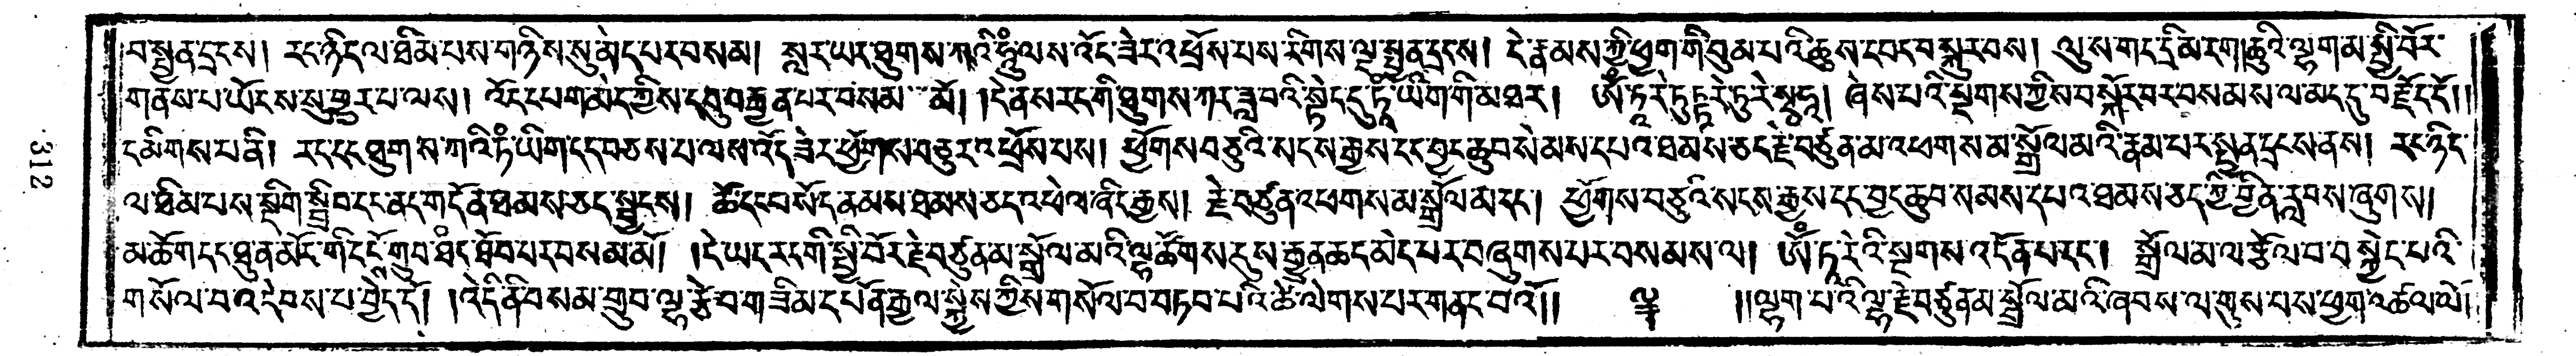བ་སྤྱན་དྲངས། རང་ཉིད་ལ་ཐིམ་པས་གཉིས་སུ་མེད་པར་བསམ། སླར་ཡར་ཐུགས་ཀའི་ཧཱུཾ་ལས་འོད་ཟེར་འཕྲོས་པས་རིགས་ལྔ་སྤྱན་དྲང་ས། དེ་རྣམས་ཀྱི་ཕྱག་གི་བུམ་པའི་ཆུས་དབང་བསྐུར་བས། ལུ་ས་གང་དྲི་མ་དག །ཆུའི་ལྷག་མ་སྤྱི་བོར་
གནས་པ་ཡོངས་སུ་གྱུར་པ་ལས། འོད་དཔག་མེད་ཀྱིས་དབུ་བརྒྱན་པར་བསམ་མོ། །དེ་ནས་རང་གི་ཐུགས་ཀར་ཟླ་བའི་སྟེང་དུ་ཏཱཾ་ཡིག་གི་མཐར། ཨོཾ་ཏཱ་རེ་ཏུཏྟཱ་རེ་ཏུ་རེ་སྭཱ་ཧཱ། ཞེས་པའི་སྔགས་ཀྱིས་བསྐོར་བར་བསམས་ལ་མང་དུ་བརྗོད་དོ།།
དམིགས་པ་ནི། རང་དང་ཐུགས་གའི་ཏཾ་ཡིག་དད་བཅས་པ་ལས་འོད་ཟེར་ཕྱོགས་བཅུར་འཕྲོས་པས། ཕྱོགས་བཅུའི་སངས་རྒྱས་དང་བྱང་ཆུབ་སེམས་དཔའ་ཐམས་ཅད་རྗེ་བཙུན་མ་འཕགས་མ་སྒྲོལ་མའི་རྣམ་པར་སྤྱན་དྲངས་ནས། རང་ཉིད་
ལ་ཐིམ་པས་སྡིག་སྒྲིབ་དང་ནད་གདོན་ཐམས་ཅད་སྦྱངས། ཚེ་དང་བསོད་ནམས་ཐམས་ཅད་འཕེལ་ཞིང་རྒྱས། རྗེ་བཙུན་འཕགས་མ་སྒྲོལ་མ་དང་། ཕྱོགས་བཅུའི་སངས་རྒྱས་དང་བྱང་ཆུབ་སེམས་དཔའ་ཐམས་ཅད་ཀྱི་བྱིན་རླབས་ཞུགས།
མ་ཆོག་དང་ཐུན་མོང་གི་དངོས་གྲུབ་ཐཾད་ཐོབ་པར་བསམ་མོ། །དེ་ཡང་རང་གི་སྤྱི་བོར་རྗེ་བཙུན་མ་སྒྲོལ་མའི་ལྷ་ཚོགས་དུས་རྒྱུན་ཆད་མེད་པར་བཞུགས་པར་བསམས་ལ། ཨོཾ་ཏཱ་རེའི་སྔགས་འདོན་པ་དང་། སྒྲོལ་མ་ལ་རྩོལ་བ་བསྐྱེད་པའི་
གསོལ་བ་འདེབས་པ་བྱེད་དོ། །འདི་ནི་བསམ་གྲུབ་ལྷ་རྩེ་བ་གཟིམ་དཔོན་རྒྱལ་སྐྱེས་ཀྱིས་གསོལ་བ་བཏབ་པའི་ཚེ་ལེགས་པར་གནང་བའོ།། ༈ །།ལྷག་པའི་ལྷ་རྗེ་བཙུན་མ་སྒྲོལ་མའི་ཞབས་ལ་གུས་པས་ཕྱག་འཚལ་ལོ།